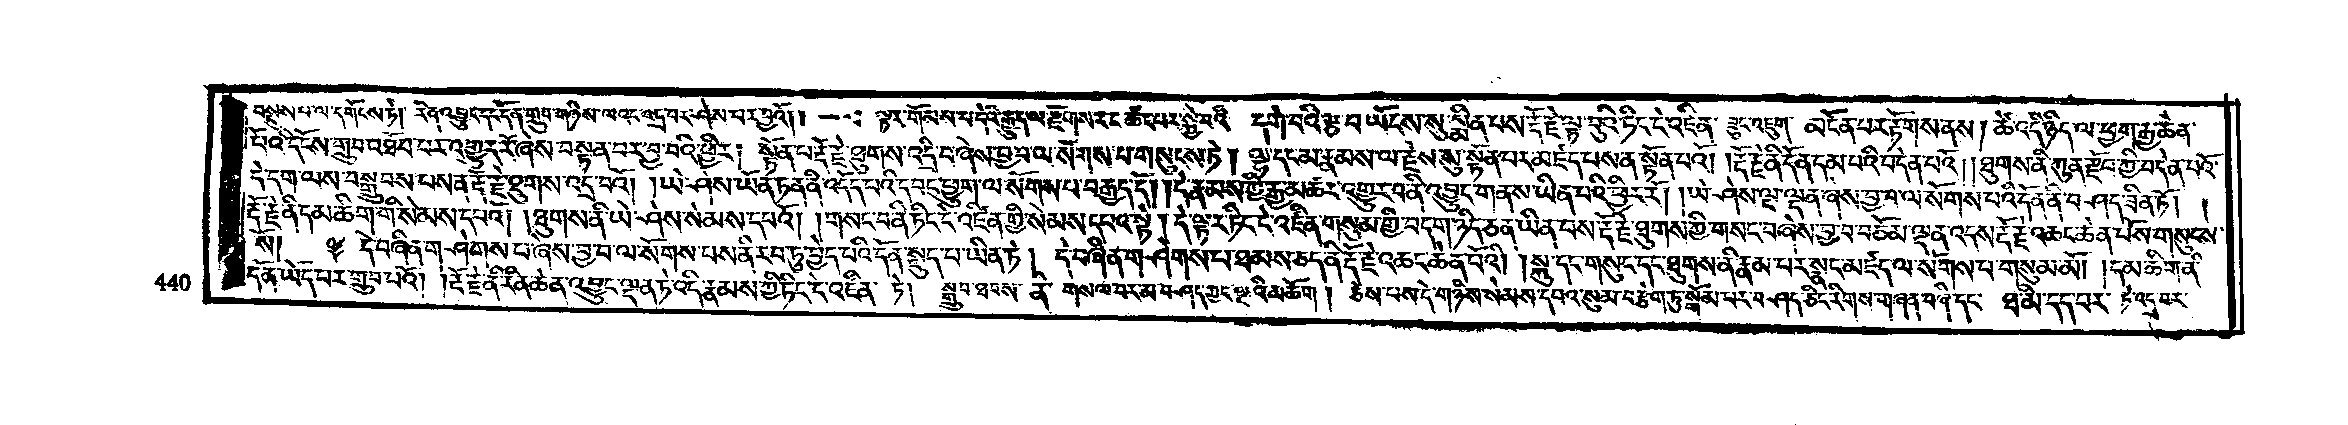བསྡུས་པ་ལ་དགོངས་ཏེ། རིན་འབྱུང་དང་དོན་གྲུབ་གཉིས་ལའང་འདྲ་བར་ཤེས་པར་བྱའོ།། .Hལྟར་གོམས་པ་དེའི་རྒྱུད་ལ་རྫོགས་རིམ་ཚང་པར་སྐྱེ་བའི་དགེ་བའི་རྩ་བ་ཡོངས་སུ་སྨིན་པས་རྡོ་རྗེ་ལྟ་བུའི་ཏིང་ངེ་འཛིན་ཟུང་འཇུག་མངོན་པར་རྟོགས་ནས། ཚེ་འདི་ཉིད་ལ་ཕྱག་རྒྱ་ཆེ་
པོའི་དངོས་གྲུབ་འཐོབ་པར་འགྱུར་རོ་ཞེས་བསྟན་པར་བྱ་བའི་ཕྱིར། སྟོན་པ་རྡོ་རྗེ་ཐུགས་འདྲ་བ་ཞེས་བྱ་བ་ལ་སོགས་པ་གསུངས་ཏེ། ལྷ་དང་མི་རྣམས་ལ་རྗེས་སུ་སྟོན་པར་མཛད་པས་ན་སྟོན་པའོ། །རྡོ་རྗེ་ནི་དོན་དམ་པའི་བདེན་པའོ། །ཐུགས་ནི་ཀུན་རྫོབ་ཀྱི་བདེན་པའོ།།
དེ་དག་ལས་བསྒྲུབས་པས་ན་རྡོ་རྗེ་ཐུགས་འདྲ་བའོ། །ཡེ་ཤེས་ཡོན་ཏན་ནི་འདོད་པའི་དབང་ཕྱུག་ལ་སོགས་པ་བརྒྱད་དོ། །དེ་རྣམས་ཀྱི་རྒྱ་མཚར་འགྱུར་བ་ནི་འབྱུང་གནས་ཡིན་པའི་ཕྱིར་རོ། །ཡེ་ཤེས་ལྔ་ལྡན་ཞེས་བྱ་བ་ལ་སོགས་པའི་དོན་ནི་བཤད་ཟིན་ཏོ། །
རྡོ་རྗེ་ནི་དམ་ཚིག་གི་སེམས་དཔའོ། །ཐུགས་ནི་ཡེ་ཤེས་སེམས་དཔའོ། །གསང་བ་ནི་ཏིང་ངེ་འཛིན་གྱི་སེམས་དཔའ་སྟེ། དེ་ལྟར་ཏིང་ངེ་འཛིན་གསུམ་གྱི་བདག་ཉིད་ཅན་ཡིན་པས་རྡོ་རྗེ་ཐུགས་ཀྱི་གསང་བ་ཞེས་བྱ་བ་བཅོམ་ལྡན་འདས་རྡོ་རྗེ་འཆང་ཆེན་པོས་གསུངས་
སོ།། ༈ དེ་བཞིན་གཤེགས་པ་ཞེས་བྱ་བ་ལ་སོགས་པས་ནི་རབ་ཏུ་བྱེད་པའི་དོན་སྡུད་པ་ཡིན་ཏེ། དེ་བཞིན་གཤེགས་པ་ཐམས་ཅད་ནི་རྡོ་རྗེ་འཆང་ཆེན་པོའོ། །སྐུ་དང་གསུང་དང་ཐུགས་ནི་རྣམ་པར་སྣང་མཛད་ལ་སོགས་པ་གསུམ་མོ། །དམ་ཚིག་ནི་
དོན་ཡོད་པར་གྲུབ་པའོ། །རྡོ་རྗེ་ནི་རིན་ཆེན་འབྱུང་ལྡན་ཏེ་འདི་རྣམས་ཀྱི་ཏིང་ངེ་འཛིན་ཏེ། སྒྲུབ་ཐབས་ནི་གསལ་བར་མ་བཤད་ཀྱང་ལྔའི་མཆོག །ཅེས་པས་དེ་གཉིས་སེམས་དཔའ་སུམ་བརྩེག་ཏུ་སྒོམ་པར་བཤད་ཅིང་རིགས་གཞན་བཞི་དང་ཐ་མི་དད་པར་ཏེ་འདྲ་བར་